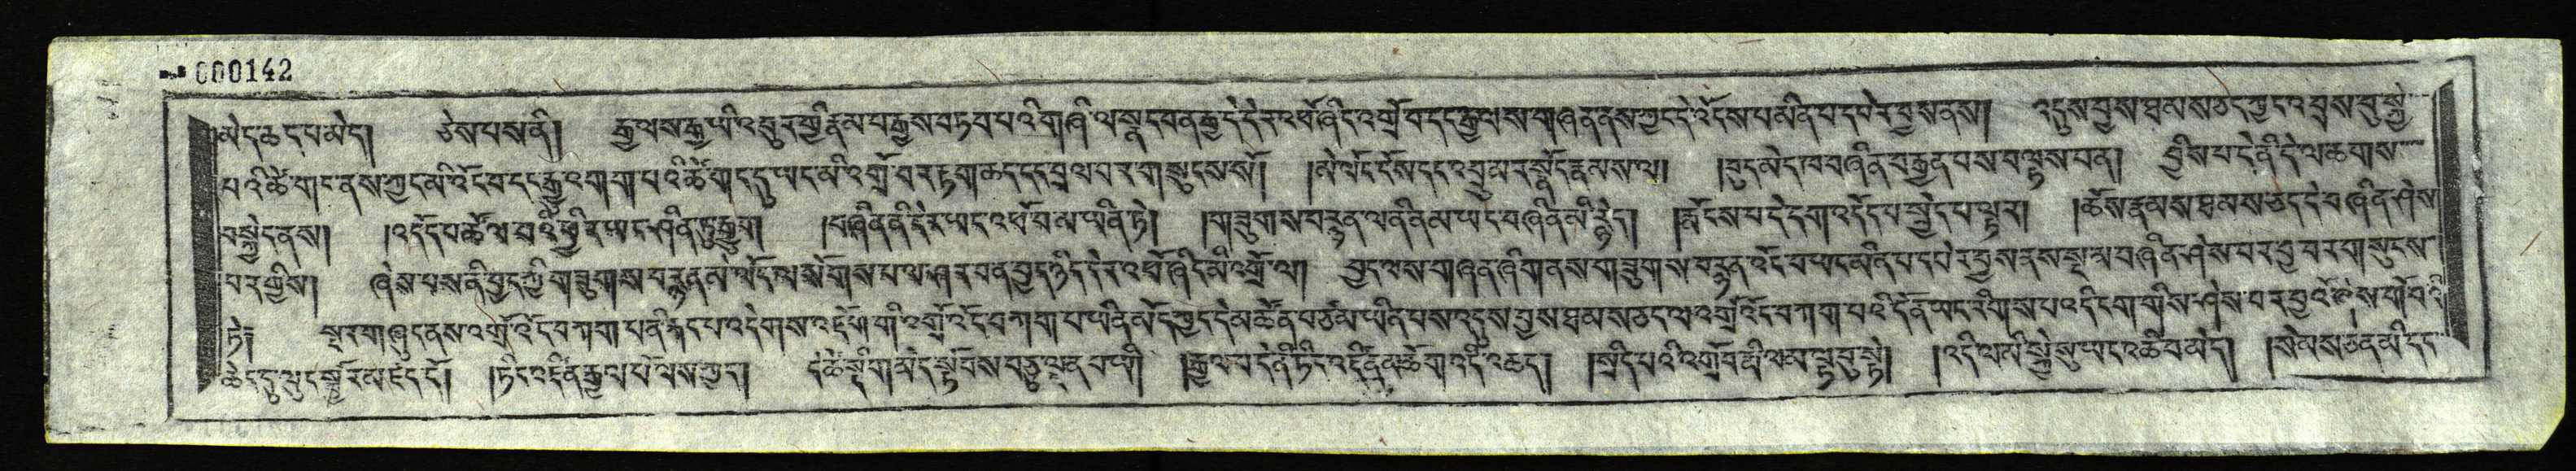མེད་ཆད་པ་མེད། ཅེས་པས་ནི། རྒྱ་ལས་རྒྱ་ཡི་འབུར་གྱི་རྣམ་པ་རྒྱས་བཏབ་པའི་གཞི་ལ་སྣང་བ་ན་རྒྱ་དེ་དེར་འཕོ་ཞིང་འགྲོ་བ་དང་རྒྱ་ལས་གཞན་ནས་ཀྱང་དེ་འོངས་པ་མིན་པ་དཔེར་བྱས་ནས། འདུས་བྱས་ཐམས་ཅད་ཀྱང་འབྲས་བུ་སྐྱེ་
པའི་ཚེ་གང་ནས་ཀྱང་མི་འོང་བ་དང་རྒྱུ་འགག་པའི་ཚེ་གང་དུ་ཡང་མི་འགྲོ་བར་རྟག་ཆད་དང་བྲལ་བར་གསུངས་སོ། །མེ་ལོང་ངོས་དང་འབྲུ་མར་སྣོད་རྣམས་ལ། །བུད་མེད་ཁ་བཞིན་བརྒྱན་པས་བལྟས་པ་ན། བྱིས་པ་དེ་ནི་དེ་ལ་ཆགས་
བསྐྱེད་ནས། །འདོད་པ་ཚོལ་བའི་ཕྱིར་ཡང་ཤིན་ཏུ་རྒྱུ་བ། །བཞིན་ནི་དེར་ཡང་འཕོ་བ་མ་ཡིན་ཏེ། །གཟུགས་བརྙན་ལ་ནི་ནམ་ཡང་བཞིན་མི་རྙེད། །རྨོངས་པ་དེ་དག་འདོད་པ་སྐྱེད་པ་ལྟར། །ཆོས་རྣམས་ཐམས་ཅད་དེ་བཞིན་ཤེས་
པར་གྱིས། ཞེས་པས་ནི་བྱང་ཀྱི་གཟུགས་བརྙན་མེ་ལོང་ལ་སོགས་པ་ལ་ཤར་བ་ན་བྱད་ཉིད་དེར་འཕོ་ཞིང་མི་འགྲོ་ལ། བྱད་ལས་གཞན་ཞིག་ནས་གཟུགས་བརྙན་འོང་བ་ཡང་མིན་པ་དཔེར་བྱས་ནས་སྔ་མ་བཞིན་ཤེས་པར་བྱ་བར་གསུངས་
ཏེ༑ སྔར་གཞུང་ནས་འགྲོ་འོང་བཀག་པ་ནི་རྐང་པ་འདེགས་འཇོག་གི་འགྲོ་འོང་བཀག་པ་ཡིན་མོད་ཀྱང་དེ་མཚོན་པ་ཙམ་ཡིན་པས་འདུས་བྱས་ཐམས་ཅད་ལ་འགྲོ་འོང་བཀག་པའི་དོན་ཡང་རིགས་པ་འདི་དག་གིས་ཤེས་བར་བྱའོ་ཞེས་གོ་བའི་
ཆེད་དུ་ལུང་སྦྱོར་མཛད་དོ། །ཏིང་འཛིན་རྒྱལ་པོ་ལས་ཀྱང་། དེ་ཚེ་སྡིག་མེད་སྟོབས་བཅུ་ལྡན་པ་ཡི། །རྒྱལ་བ་དེ་ནི་ཏིང་འཛིན་མཆོག་འདི་འཆད། །སྲིད་པའི་འགྲོ་བ་རྨི་ལམ་ལྟ་བུ་སྟེ། །འདི་ལ་མི་སྐྱེ་སུ་ཡང་འཆི་བ་མེད། །སེམས་ཅན་མི་དང་